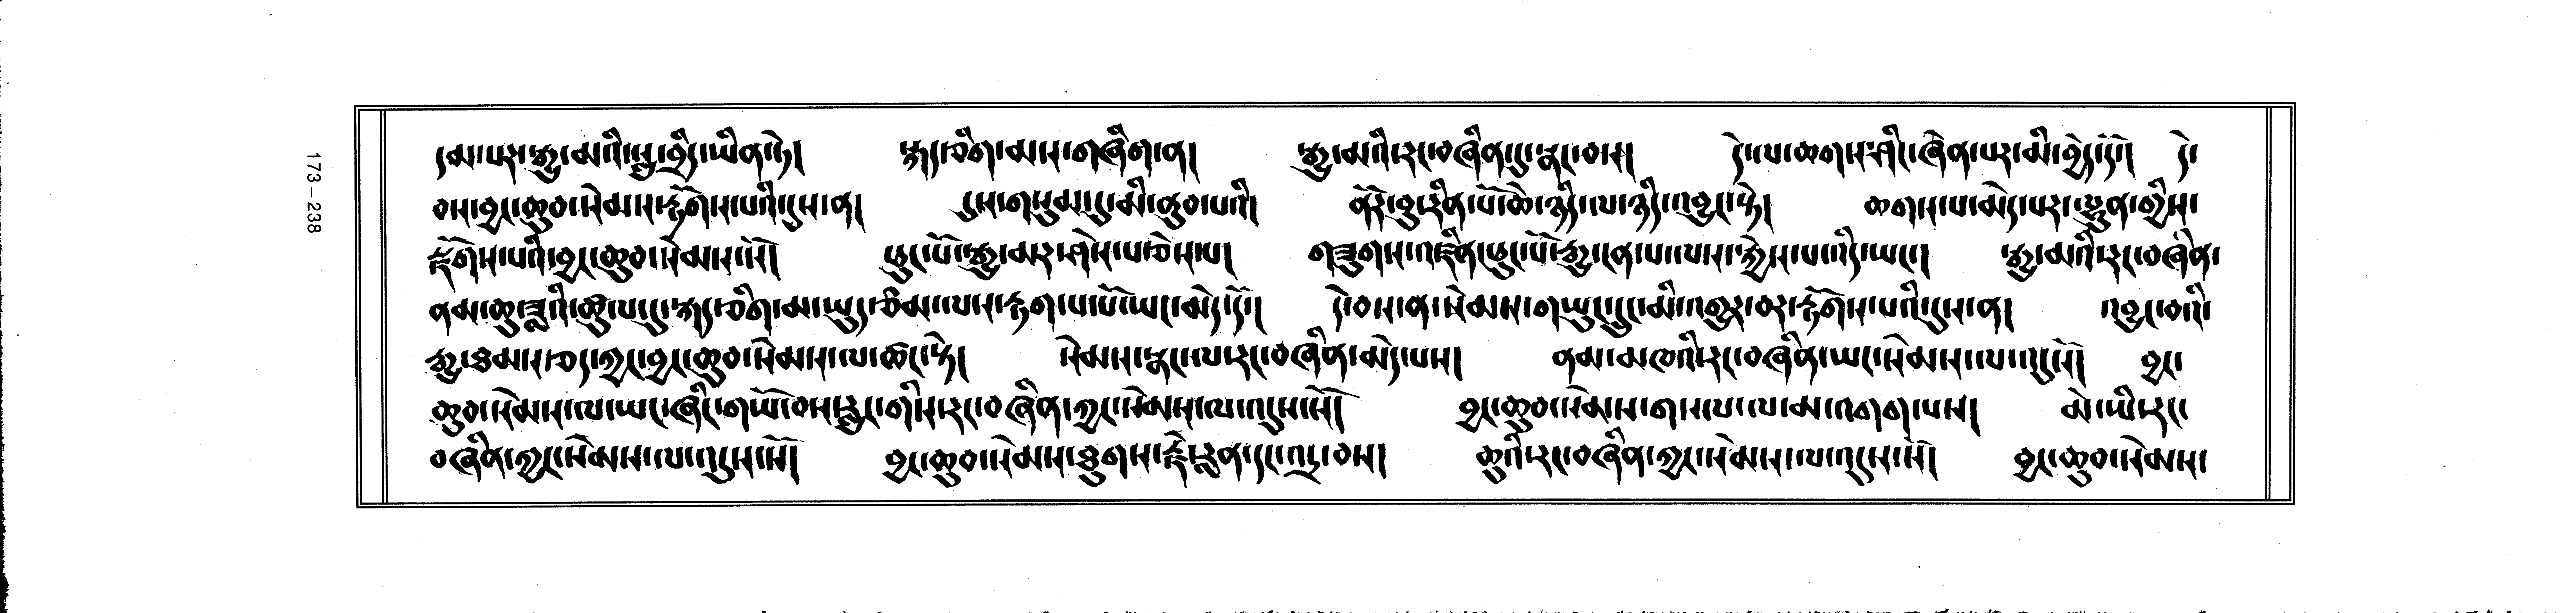དམ་པར་སྒྱུ་མའི་བསླུ་བྲིད་ཡིན་ཏེ། སྐད་ཅིག་མས་གཞིག་ན། སྒྱུ་མའི་རང་བཞིན་དུ་སྣང་བས། དེ་ལ་ཆགས་ཤིང་ཞེན་པར་མི་བྱེད་དོ། །དེ་
བས་བྱང་ཆུབ་སེམས་རྟོགས་པའི་དུས་ན། དུས་གསུམ་དུ་མི་ནུབ་པའི། ནོར་བུ་རིན་པོ་ཆེ་ཉིད་ལ་ཉིད་འབྱུང་སྟེ། ཆགས་པ་མེད་པར་ལྷུན་གྱིས་
རྫོགས་པའི་བྱང་ཆུབ་སེམས་སོ། །ཕུང་པོ་སྒྱུ་མར་ཤེས་པ་ཅེས་པ། གཟུགས་འཛིན་ཕུང་པོ་རྒྱུ་ངན་པ་ལས་སྐྱེས་པ་འདི་ཡང་། སྒྱུ་མའི་རང་བཞིན་
ནམ་ཆུ་ཟླའི་ཚུལ་དུ་སྐད་ཅིག་མ་ཡུད་ཙམ་ལས་རྟག་པ་པོ་གང་ཡང་མེད་དོ། །དེ་བས་ན་སེམས་གཡུང་དྲུང་མི་འགྱུར་བ་རྟོགས་པའི་དུས་ན། འབྱུང་བའི་
རྒྱུ་ཐམས་ཅད་ཀྱང་གཡུང་དྲུང་སེམས་ལ་ཚང་སྟེ། སེམས་སྣང་ལ་རང་བཞིན་མེད་པས། ནམ་མཁའི་རང་བཞིན་ཡང་སེམས་ལ་འདུས་སོ། །བྱང་
ཆུབ་སེམས་ལ་ཡང་ཞིང་གཡོ་བས་རླུང་གི་རང་བཞིན་ཀྱང་སེམས་ལ་འདུས་སོ། །བྱང་ཆུབ་སེམས་གསལ་ལ་མ་འགག་པས་མེ་ཡི་རང་
བཞིན་ཀྱང་སེམས་ལ་འདུས་སོ། །བྱང་ཆུབ་སེམས་ཐུགས་རྗེ་རླན་དང་འདྲ་བས། ཆུའི་རང་བཞིན་ཀྱང་སེམས་ལ་འདུས་སོ། །བྱང་ཆུབ་སེམས་